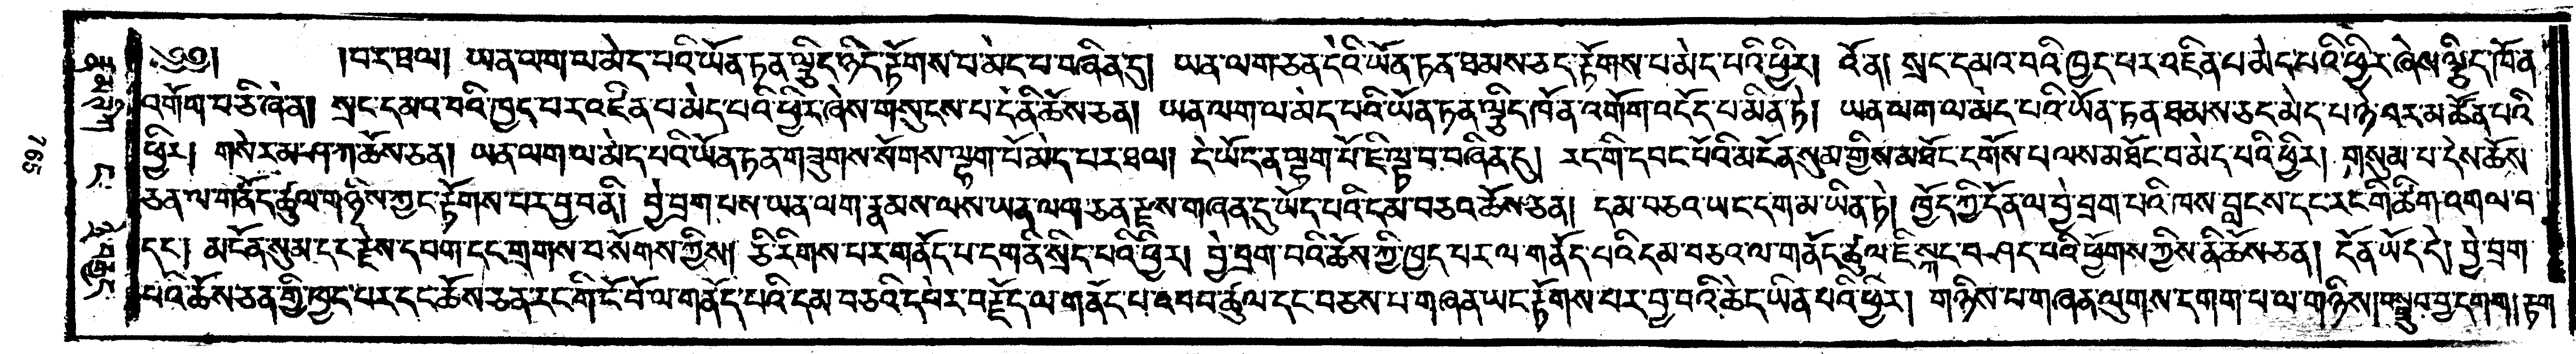༄༅། །བར་ཐལ། ཡན་ལག་ལ་མེད་པའི་ཡོན་ཏན་ལྕིད་ཉིད་རྟོགས་པ་མེད་པ་བཞིན་དུ། ཡན་ལག་ཅན་དེའི་ཡོན་ཏན་ཐམས་ཅད་རྟོགས་པ་མེད་པའི་ཕྱིར། འོ་ན། སྲང་དམའ་བའི་ཁྱད་པར་འཇིན་པ་མེད་པའི་ཕྱིར་ཞེས་ལྕིད་ཁོ་ན་
འགོག་པ་ཅི་ཞེ་ན། སྲང་དམའ་བའི་ཁྱད་པར་འཛིན་པ་མེད་པའི་ཕྱིར་ཞེས་གསུངས་པ་དེ་ནི་ཆོས་ཅན། ཡན་ལག་ལ་མེད་པའི་ཡོན་ཏན་ལྕིད་ཁོ་ན་འགོག་འདོད་པ་མིན་ཏེ། ཡན་ལག་ལ་མེད་པའི་ཡོན་ཏན་ཐམས་ཅད་མེད་པ་ཉེ་བར་མཚོན་པའི་
ཕྱིར། གསེར་མ་ཤ་ཀ་ཆོས་ཅན། ཡན་ལག་ལ་མེད་པའི་ཡོན་ཏན་གཟུགས་སོགས་ལྷག་པོ་མེད་པར་ཐལ། དེ་ཡོད་ན་ལྷག་པོ་ཇི་ལྟ་བ་བཞིན་དུ། རང་གི་དབང་པོའི་མངོན་སུན་གྱིས་མཐོང་དགོས་པ་ལས་མཐོང་བ་མེད་པའི་ཕྱིར། གསུམ་པ་དེས་ཆོས་
ཅན་ལ་གནོད་ཚུལ་གཉིས་ཀྱང་རྟོགས་པར་བྱ་བ་ནི། བྱེ་བྲག་པས་ཡན་ལག་རྣམས་ལས་ཡན་ལག་ཅན་རྫས་གཞན་དུ་ཡོད་པའི་དམ་བཅའ་ཆོས་ཅན། དམ་བཅའ་ཡང་དག་མ་ཡིན་ཏེ། ཁྱོད་ཀྱི་དོན་ལ་བྱེ་བྲག་པའི་ཁས་བླངས་དང་རང་གི་ཚིག་འགལ་བ་
དང་། མངོན་སུམ་དང་རྗེས་དཔག་དང་གྲགས་པ་སོགས་ཀྱིས། ཅི་རིགས་པར་གནོད་པ་དག་ནི་སྲིད་པའི་ཕྱིར། བྱེ་བྲག་པའི་ཆོས་ཀྱི་ཁྱད་པར་ལ་གནོད་པའི་དམ་བཅའ་ལ་གནོད་ཚུལ་ཇི་སྐད་བཤད་པའི་ཕྱོགས་ཀྱིས་ནི་ཆོས་ཅན། དོན་ཡོད་དེ། བྱེ་བྲག་
པའི་ཆོས་ཅན་གྱི་ཁྱད་པར་དང་ཆོས་ཅན་རང་གི་ངོ་བོ་ལ་གནོད་པའི་དམ་བཅའི་དཔེར་བརྗོད་ལ་གནོད་པ་འབབ་ཚུལ་དང་བཅས་པ་གཞན་ཡང་རྟོགས་པར་བྱ་བའི་ཆེད་ཡིན་པའི་ཕྱིར། གཉིས་པ་གཞན་ལུགས་དགག་པ་ལ་གཉིས་།བསྒྲུབ་བྱ་དགག། རྟག་